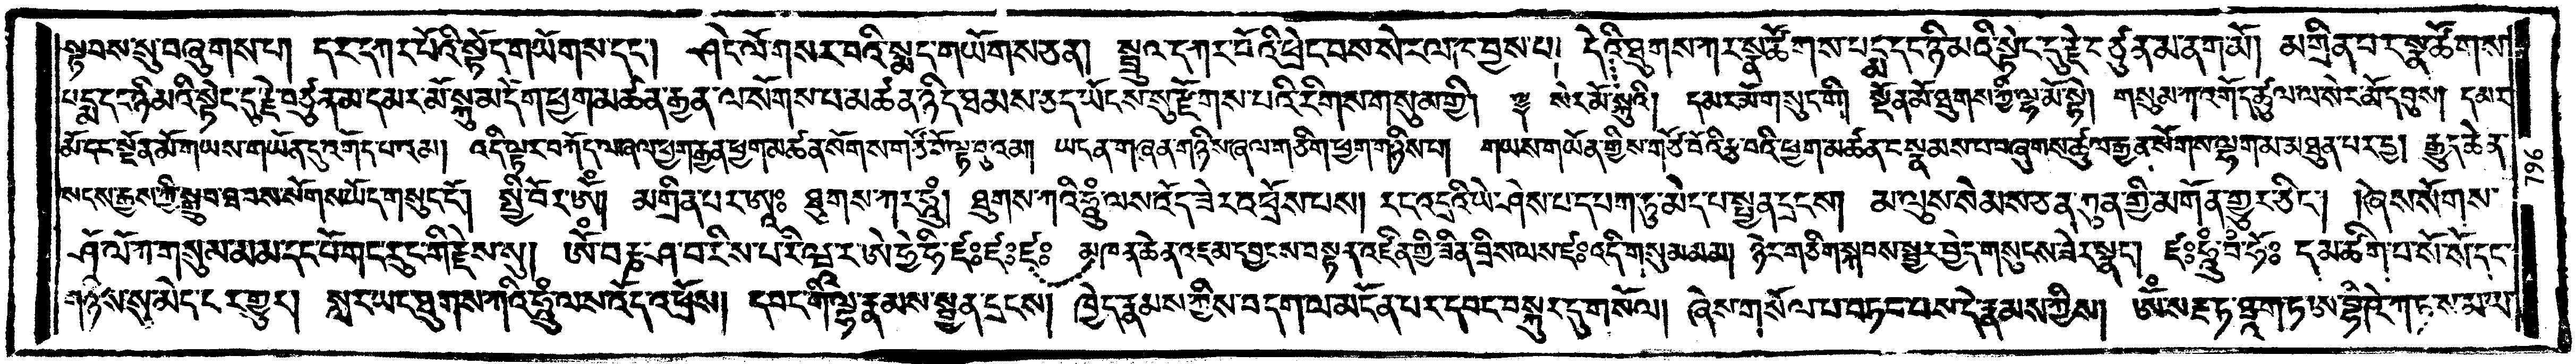སྟབས་སུ་བཞུགས་པ། དར་དཀར་པོའི་སྟོད་གཡོགས་དང་། ཤིང་ལོ་གསར་བའི་སྨད་གཡོགས་ཅན། སྦྲུལ་དཀར་བོའི་ཕྲེང་བས་སེ་རལ་ཁ་བྱས་པ། དེའི་ཐུགས་ཀར་སྣ་ཚོགས་པདམ་དང་ཉི་མའི་སྟེང་དུ་རྗེ་བཙུན་མ་ནག་མོ། མགྲིན་པར་སྣ་ཚོགས་
པདམ་དང་ཉི་མའི་སྟེང་དུ་རྗེ་བཙུན་མ་དམར་མོ་སྐུ་མདོག་ཕྱག་མཚན་རྒྱན་ལ་སོགས་པ་མཚན་ཉིད་ཐམས་ཅད་ཡོངས་སུ་རྫོགས་པའི་རིགས་གསུམ་གྱི། ༈ སེར་མོ་སྐུའི། དམར་མོ་གསུང་གི། སྔོན་མོ་ཐུགས་ཀྱི་ལྷ་མོ་སྟེ། གསུམ་ཀ་འགོད་ཚུལ་ལ་སེར་མོ་དབུས། དམ་པ་
མོ་དང་སྔོན་མོ་གཡས་གཡོན་དུ་འགོད་པ་འམ། འདི་ལྟར་བཀོད་ལ་ཞལ་ཕྱག་རྒྱན་ཕྱག་མཚན་སོགས་གཙོ་བོ་ལྟ་བུ་འམ། ཡང་ན་གཞན་གཉིས་ཞལ་གཅིག་ཕྱག་གཉིས་པ། གཡས་གཡོན་གྱིས་གཙོ་བོའི་རྩ་བའི་ཕྱག་མཚན་བསྣམས་པ་བཞུགས་ཚུལ་རྒྱན་སོགས་ལྷག་མ་མཐུན་པར་བྱ། རྒྱུད་ཆེན་
སངས་རྒྱས་ཀྱི་སྒྲུབ་ཐབས་སོགས་ཡོད་གསུང་ངོ། སྤྱི་བོར་ཨོཾ། མགྲིན་པར་ཨཱཿ ཐུགས་ཀར་ཧཱུཾ། ཐུགས་ཀའི་ཧཱུཾ་ལས་འོད་ཟེར་འཕྲོས་པས། རང་འདྲའི་ཡེ་ཤེས་པ་དཔག་ཏུ་མེད་པ་སྤྱན་དྲངས། མ་ལུས་སེམས་ཅན་ཀུན་གྱི་མགོན་གྱུར་ཅིང་། །ཞེས་སོགས་
ཤོ་ལོ་ཀ་གསུམ་མམ་དང་པོ་གང་རུང་གི་རྗེས་སུ། ཨོཾ་བརྞ་ཤ་བ་རིས་པའི་ཝཱ་ར་ཨེ་ཧྱེ་ཧི་ཛཿ ཛཿ ཛཿ མཁན་ཆེན་འཇམ་དབྱངས་བསྟན་འཛིན་གྱི་ཟིན་བྲིས་ལས་ཛཿ འདི་གསུམ་མམ། ཉེར་གཅིག་སྐབས་སྦྱར་བྱེད་གསུངས་ཟེར་སྣར། ཛ༑ ཧཱུཾ་བཾ་ཧོཿ དམ་ཚིག་པ་སོ་སོ་དང་
གཉིས་སུ་མེད་དར་གྱུར། སླར་ཡང་ཐུགས་ཀའི་ཧཱུཾ་ལས་འོད་འཕྲོས། དབང་གི་ལྷ་རྣམས་སྦྱན་དྲངས། ཁྱེད་རྣམས་ཀྱིས་བདག་ལ་མངོན་པར་དབང་བསྐུར་དུ་གསོལ། ཞེས་གསོལ་པ་བཏབ་པས་དེ་རྣམས་ཀྱིས། ཨོཾ་སར་ཏ་ཐཱ་གཉ་ཨ་བྷེ་ཥེ་ཀྟས་མ་ཡ་